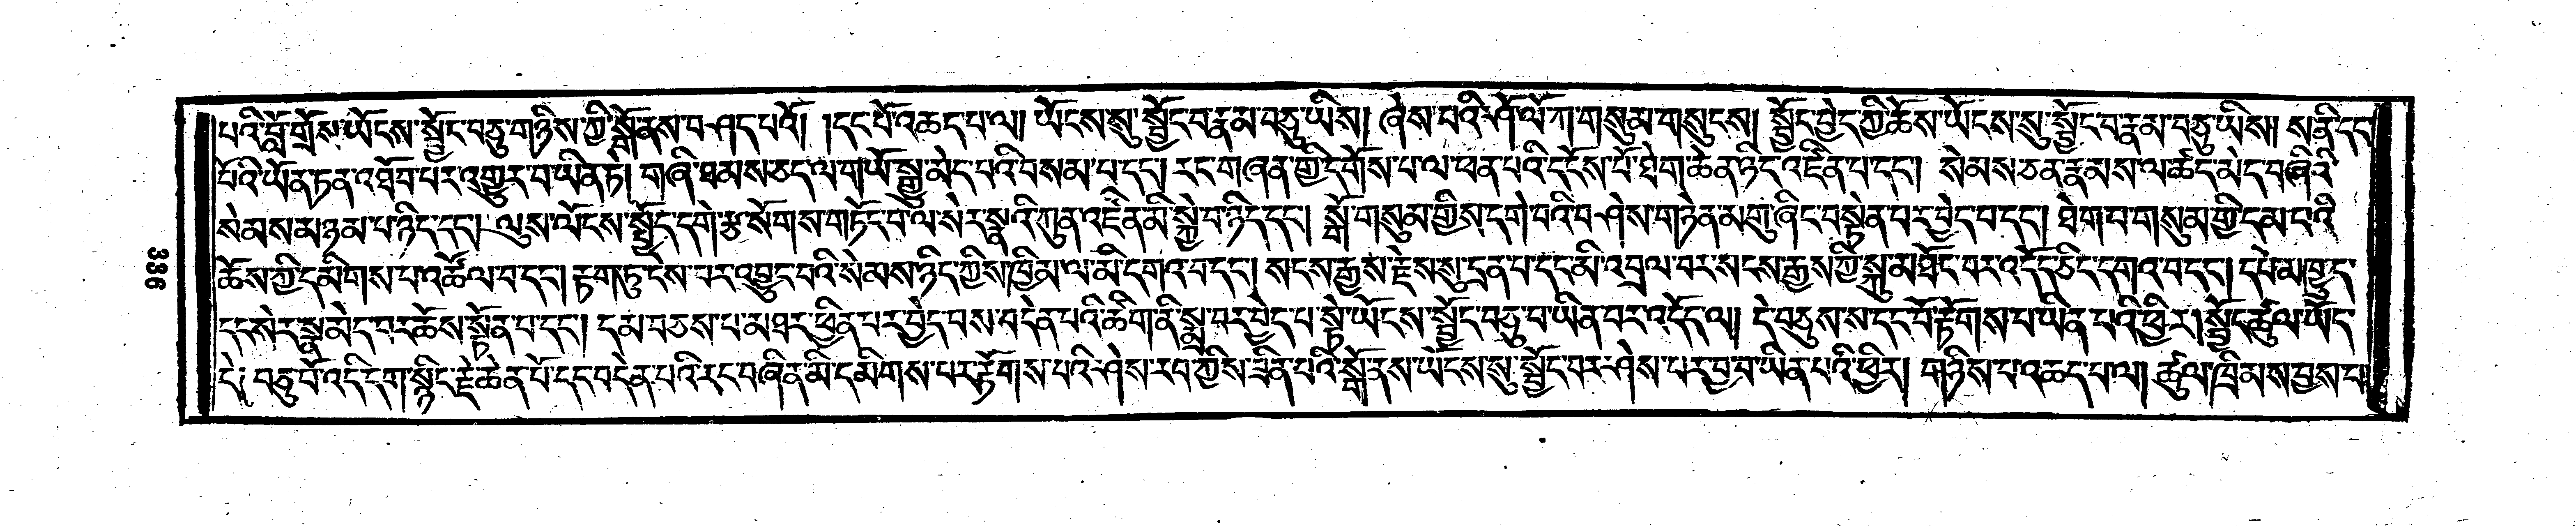པའི་བློ་གྲོས་ཡོངས་སྦྱོང་བཅུ་གཉིས་ཀྱི་སྒོ་ནས་བཤད་པའོ། །དང་པོ་འཆད་པ་ལ། ཡོངས་སུ་སྦྱོང་བ་རྣམ་བཅུ་ཡིས། ཞེས་པའི་ཤོ་ལོ་ཀ་གསུམ་གསུངས། སྦྱོང་བྱེད་ཀྱི་ཆོས་ཡོངས་སུ་སྦྱོང་བ་རྣམ་བཅུ་ཡིས། ས་ནི་དང་
པོའི་ཡོན་ཏན་འཐོབ་པར་འགྱུར་བ་ཡིན་ཏེ། གཞི་ཐམས་ཅད་ལ་གཡོ་སྒྱུ་མེད་པའི་བསམ་པ་དང་། རང་གཞན་གྱི་དགོས་པ་ལ་ཕན་པའི་དངོས་པོ་ཐེག་ཆེན་ཉིད་འཛིན་པ་དང་། སེམས་ཅན་རྣམས་ལ་ཚད་མེད་བཞིའི་
སེམས་མཉམ་པ་ཉིད་དང་། ལུས་ལོངས་སྤྱོད་དགེ་རྩ་སོགས་གཏོང་བ་ལ་སེར་སྣའི་ཀུན་འཛིན་མི་སྐྱེ་བ་ཉིད་དང་། སྒོ་གསུམ་གྱིས་དགེ་བའི་བཤེས་གཉེན་མགུ་ཞིང་བསྟེན་པར་བྱེད་པ་དང་། ཐེག་པ་གསུམ་གྱི་དམ་པའི་
ཆོས་ཀྱི་དམིགས་པ་འཚོལ་བ་དང་། རྟག་ཏུ་ངེས་པར་འབྱུང་བའི་སེམས་ཉིད་ཀྱིས་ཁྱིམ་ལ་མི་དགའ་བ་དང་། སངས་རྒྱས་རྗེས་སུ་དྲན་པ་དང་མི་འབྲལ་བར་སངས་རྒྱས་ཀྱི་སྐུ་མཐོང་བར་འདོད་ཅིང་དགའ་བ་དང་། དཔེ་མཁྱུད་
དང་སེར་སྣ་མེད་པར་ཆོས་སྟོན་པ་དང་། དམ་བཅས་པ་མཐར་ཕྱིན་པར་བྱེད་པས་བདེན་པའི་ཚིག་ནི་སྨྲ་བར་བྱེད་པ་སྟེ་ཡོངས་སྦྱོང་བཅུ་པ་ཡིན་པར་འདོད་ལ། དེ་བཅུས་ས་དང་པོ་རྟོགས་པ་ཡིན་པའི་ཕྱིར། སྦྱོང་ཚུལ་ཡོད་
དེ༑ བཅུ་པོ་འདི་དག་སྙིང་རྗེ་ཆེན་པོ་དང་བདེན་པའི་རང་བཞིན་མི་དམིགས་པར་རྟོགས་པའི་ཤེས་རབ་ཀྱིས་ཟིན་པའི་སྒོ་ནས་ཡོངས་སུ་སྦྱོང་བར་ཤེས་པར་བྱ་བ་ཡིན་པའི་ཕྱིར། གཉིས་པ་འཆད་པ་ལ། ཚུལ་ཁྲིམས་བྱས་པ་